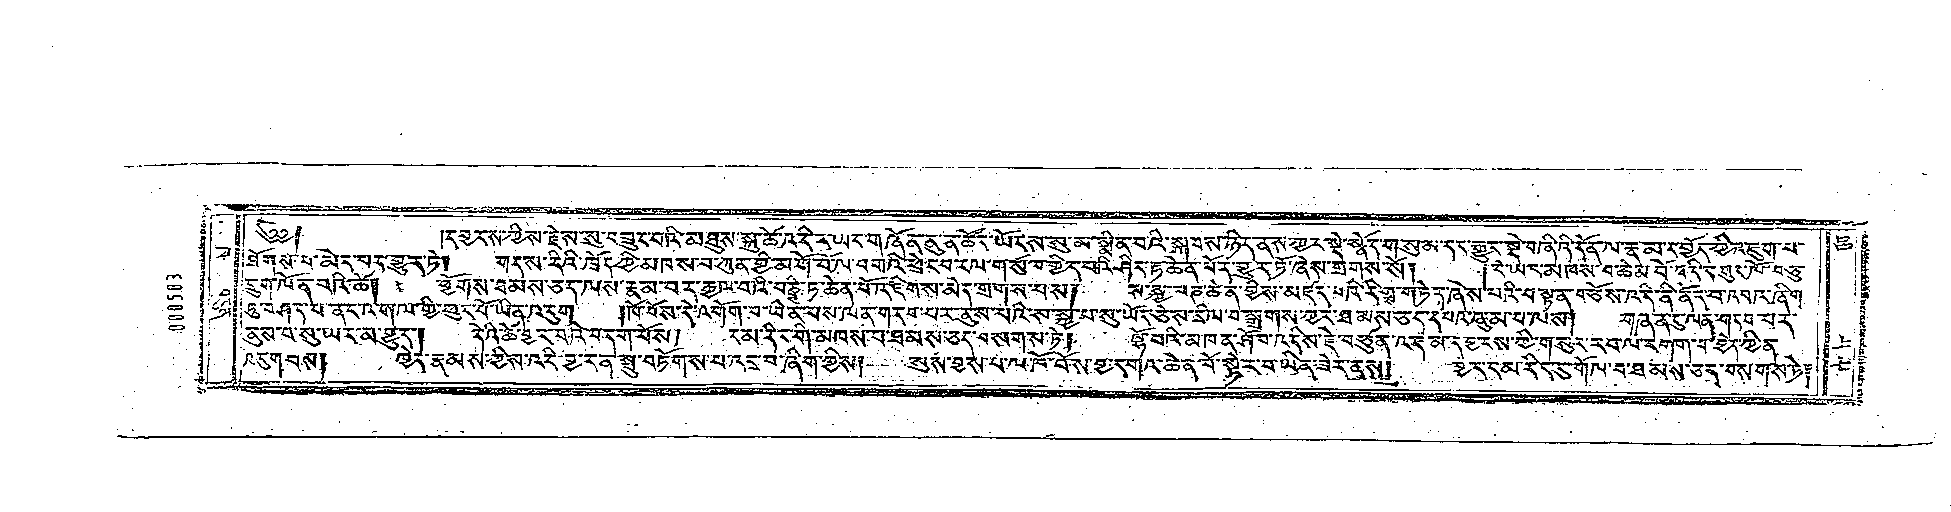༄༅། །དབྱངས་ཀྱིས་རྗེས་སུ་བཟུང་བའི་མཐུས་སྐུ་ཚེ་འདིར་ཡང་གཞོན་ནུ་ན་ཚོད་ཡོངས་སུ་མ་སྨིན་བའི་སྐབས་ཉིད་ནས་ཀྱང་སྡེ་སྣོད་གསུམ་དང་རྒྱུད་སྡེ་བཞིའི་དོན་ལ་རྣམ་དཔྱོད་ཀྱི་འཇུག་པ་
ཐོགས་པ་མེད་པར་གྱུར་ཏེ། གངས་རིའི་ཁྲོད་ཀྱི་མཁས་བ་ཀུན་གྱི་མགོ་བོ་ལ་བགའི་ཕྲེང་བ་ངལ་གསོ་བགྱིད་པའི་ཤིང་རྟ་ཆེན་པོར་གྱུར་ཏོ་ཞེས་གྲགས་སོ། །དེ་ཡང་མཁས་བ་ཆེམ་པོ་འདི་དགུང་ལོ་བཅུ་
དྲུག་ལོན་བའི་ཚེ། ཕྱོགས་ཐམས་ཅད་ལས་རྣམ་བར་རྒྱལ་བའི་པཎྚི་ཏ་ཆེན་པོ་འཇིགས་མེད་གྲགས་པས། ས་སྐྱ་པཎ་ཆེན་གྱིས་མཛད་པའི་རིགས་གཏེར་ཞེས་པའི་བསྟན་བཅོས་འདི་ནི་ནོར་བ་འབའ་ཞིག་
ཏུ་བཤད་པ་ནང་འགལ་གྱི་ཕུང་པོ་ཡིན་འདུག །ཁོ་བོས་དེ་འགོག་བ་ཡིན་པས་ལན་གདབ་པར་ནུས་པའི་ས་སྐྱ་པ་སུ་ཡོད་ཅེས་དྲིལ་བ་སྒྲགས་ཀྱང་ཐམས་ཅད་དཔའ་ཞུ་མ་པ་ལས། གཞན་དུ་ལན་གདབ་པར་
ནུས་པ་སུ་ཡང་མ་བྱུང་། དེའི་ཚེ་བྱང་བའི་བདག་པོས། དམ་རིང་གི་མཁས་པ་ཐམས་ཅད་བསགས་ཏེ། ལྷོ་པའི་མཁན་ཤོབ་འདིས་རྗེ་བཙུན་འཇམ་དབྱངས་ཀྱི་གསུང་རབ་ལ་དགག་པ་བྱེད་ཀྱིན་
འདུག་བས། ཁྱེད་རྣམས་ཀྱིས་འདི་བྱ་དན་སྤུ་བཏོགས་པ་འདྲ་བ་ཞིག་གྱིས། སུས་བྱས་པ་ལ་ཁོ་བོས་བྱ་དགའ་ཆེན་པོ་སྟེར་བ་ཡིན་ཟེར་ནས། བྱང་དམ་རིང་དུ་གོལ་བ་ཐམས་ཅད་བསགས་ཏེ།